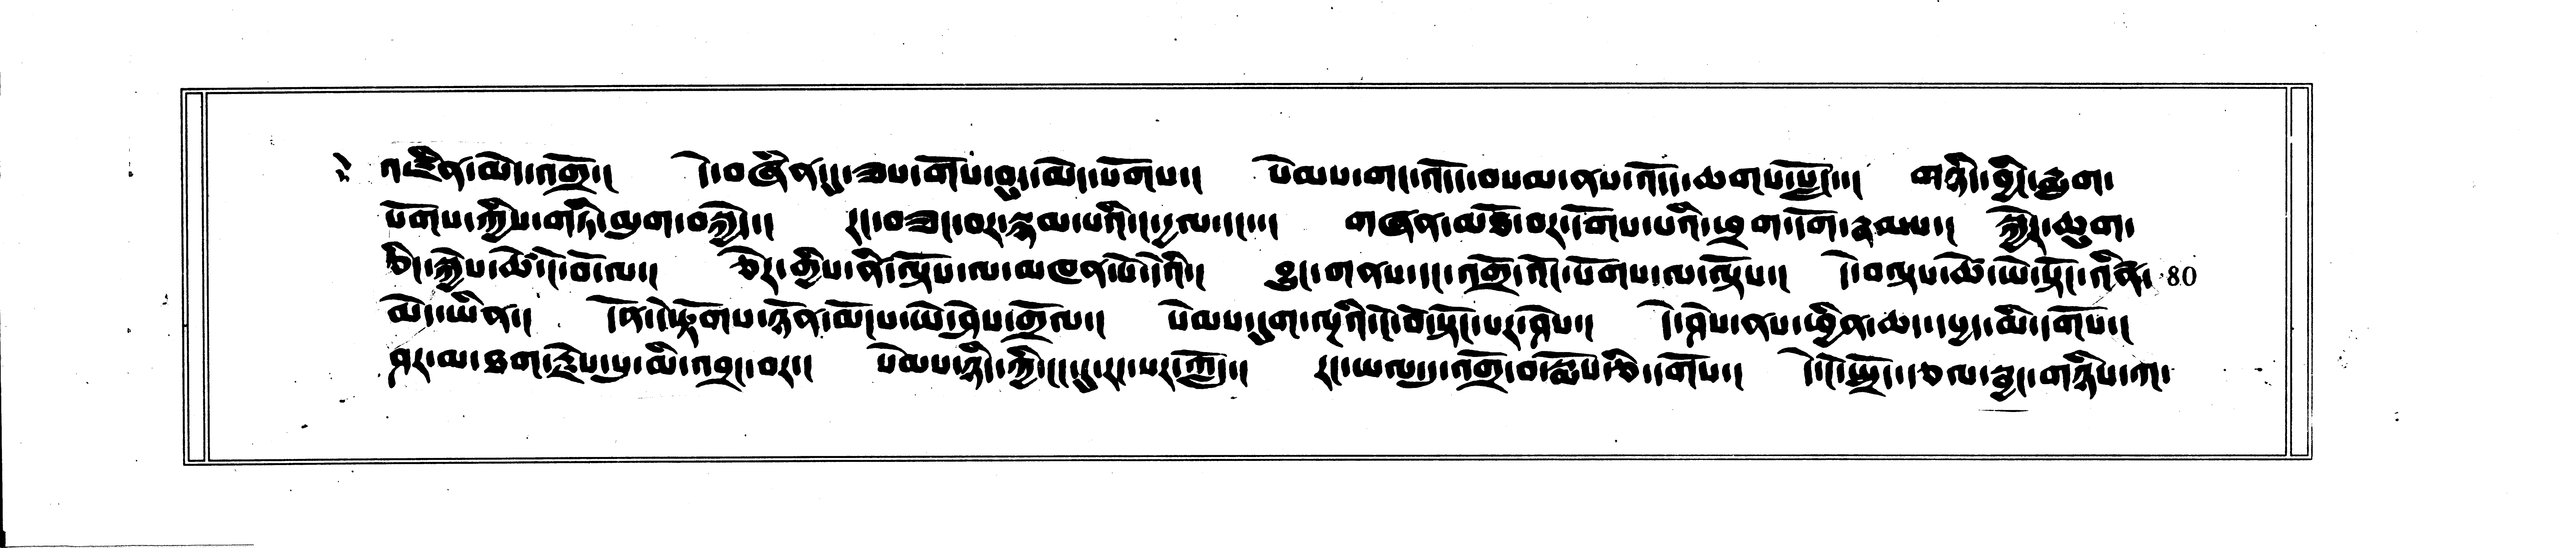འཛིན་མེད་འགྲོ། །དེ་བཞིན་དུ་ཟས་གོས་བུད་མེད་སོགས། །སེམས་གང་འདོད་བསམ་ནས་འདོད་ཆགས་སློང་། །གཉིད་བྱིང་རྨུག་
སོགས་ཀྱིས་གཏི་མུག་བསྐྱེད། །རང་བཟང་བར་སྙམ་པའི་ང་རྒྱལ་དང་། །གཞན་མཐོ་བར་དྭོགས་པའི་ཕྲག་དོག་རྣམས། །སྐྱོང་ཆུག་
ཅིང་སྐྱེས་ཚེ་ངོ་བོ་ལ། །ཅེར་གྱིས་ནི་ལྟོས་ལ་མཁན་པོ་དེའི། །བྱུང་གནས་དང་འགྲོ་འོང་སོགས་ལ་ལྟོས། །དེ་བལྟས་ཚེ་ཡེ་སྟོང་འཛིན་
མེད་ཡིན། །དོན་དེ་རྟོགས་ཉོན་མོངས་ཡེ་ཤེས་གྲོལ། །སེམས་དུག་ལྔའི་ངོ་བོ་སྟོང་པར་ཤེས། །དེ་ཤེས་ནས་ཕྱིན་ཆད་དཔྱད་མི་དགོས། །
ཤར་མ་ཐག་རྗེས་སུ་མི་འབྲང་བར། །སེམས་ཉིད་ཀྱི་ངང་དུ་རང་སར་ཀློད། །རང་ཡལ་དུ་འགྲོ་བ་སྨོས་ཅི་དགོས། །དེ་ངོ་སྤྲོད་རྩལ་སྦྱངས་གཉིས་ཀ་